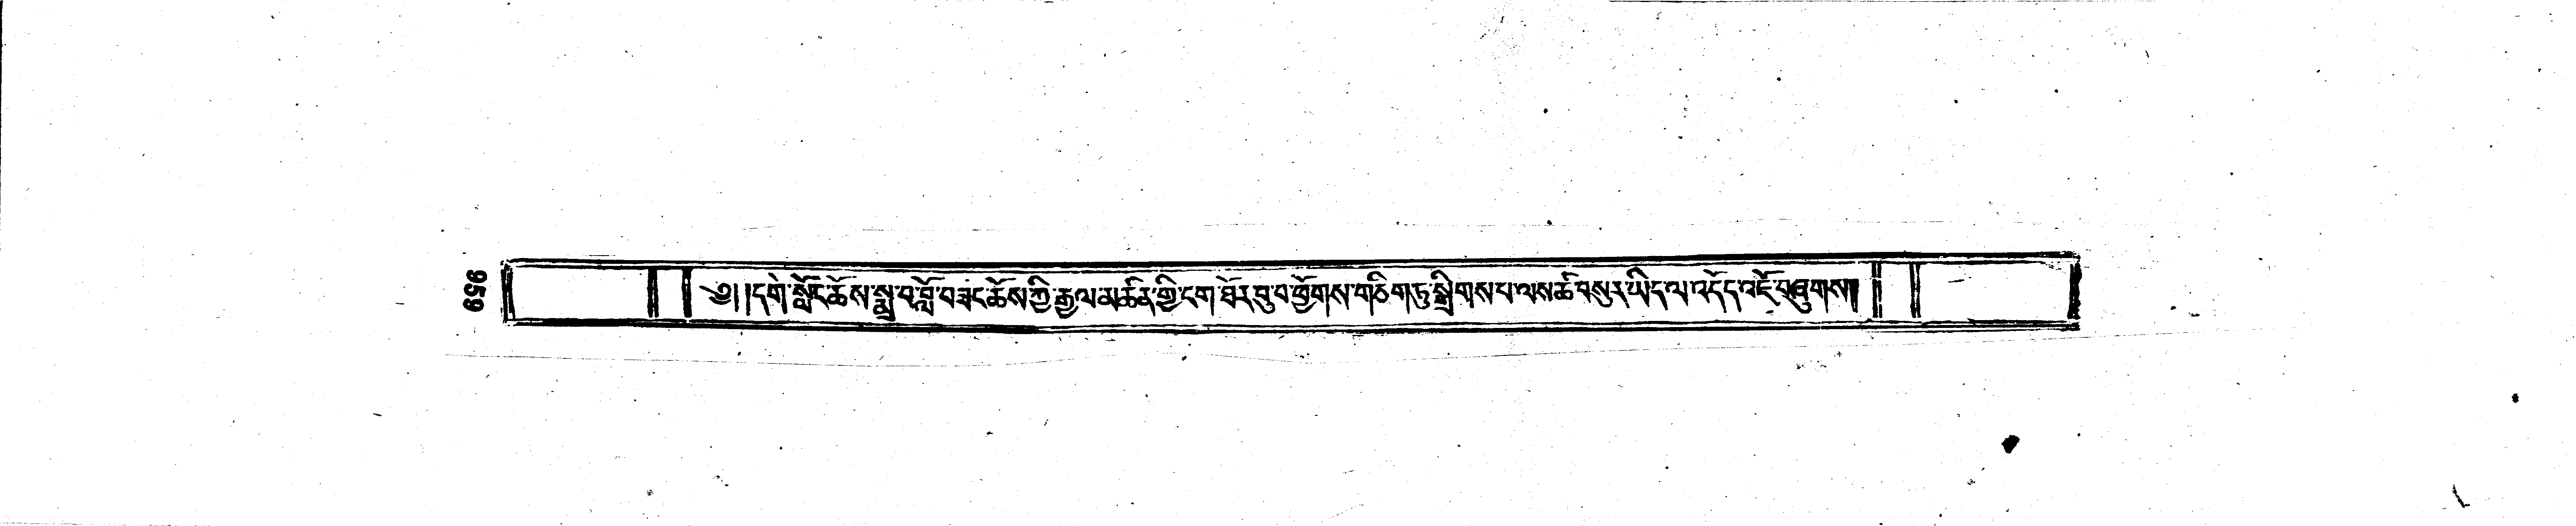༄༅། །དགེ་སློང་ཆོས་སྨྲ་བ་བློ་བཟང་ཆོས་ཀྱི་རྒྱལ་མཚན་གྱི་ངག་ཐོར་བུ་བ་ཕྱོགས་གཅིག་ཏུ་སྒྲིགས་པ་ལས་ཚ་བསུར་ཡིད་ལ་འདོད་འཇོ་བཞུགས།།